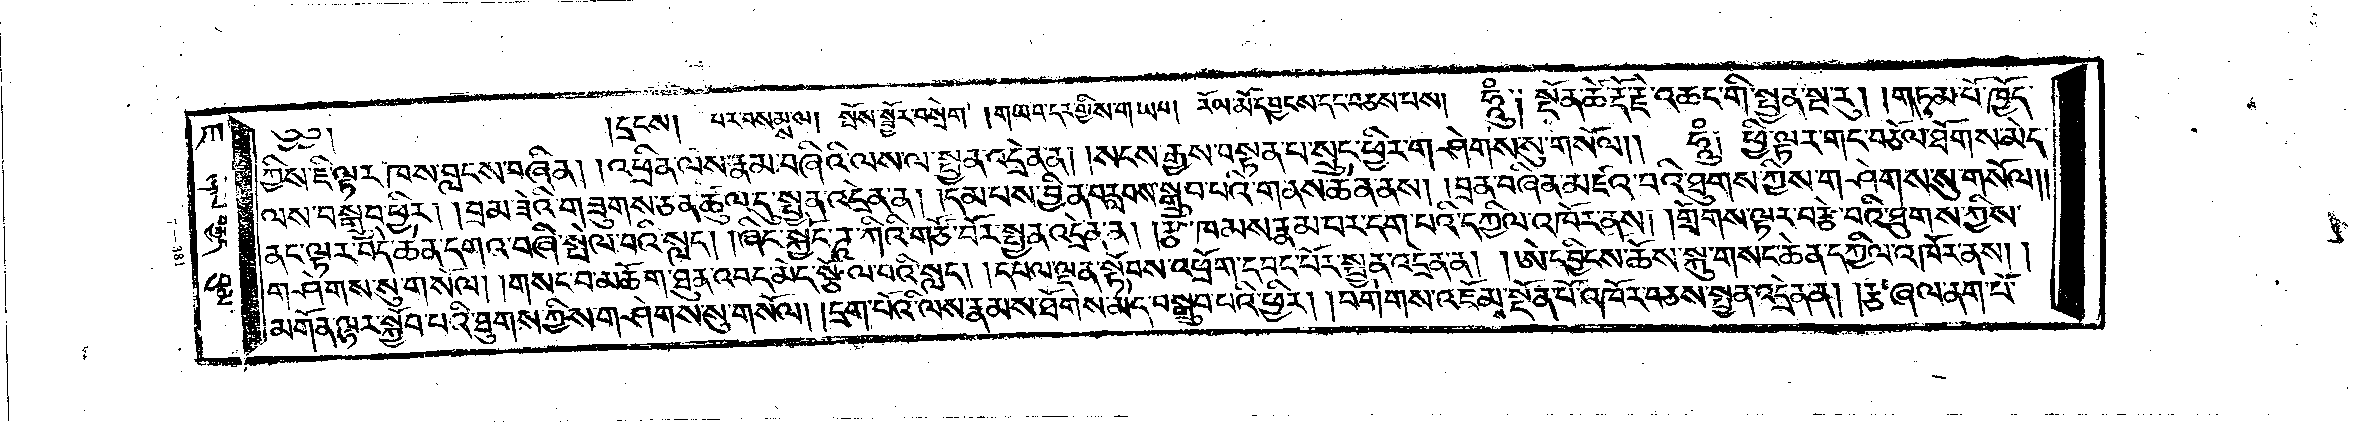༄༅། །དྲངས། པར་བསམས་ལ། སྤོས་སྦྱོར་བསྲེག །གཡབ་དར་གྱིས་གཡབ། རོལ་མོ་དབྱངས་དང་བཅས་པས། ཧཱུཾ༑ སྔོན་ཚེ་རྡོ་རྗེ་འཆང་གི་སྤྱན་སྔ་རུ། །གཏུམ་པོ་ཁྱོད་
ཀྱིས་ཇི་ལྟར་ཁས་བླངས་བཞིན། །འཕྲིན་ལས་རྣམ་བཞིའི་ལས་ལ་སྤྱན་འདྲེན་ན། །སངས་རྒྱས་བསྟན་པ་སྲུང་ཕྱིར་གཤེགས་སུ་གསོལ།། ཧཱུཾ༑ ཕྱི་ལྟར་གང་བཅོལ་ཐོགས་མེད་
ལས་བསྒྲུབ་ཕྱིར། །བྲམ་ཟེའི་གཟུགས་ཅན་ཚུལ་དུ་སྤྱན་འདྲེན་ན། །དམ་པས་བྱིན་བརླབས་སྒྲུབ་པའི་གནས་ཆེན་ནས། །བྲན་བཞིན་མཛའ་བའི་ཐུགས་ཀྱིས་གཤེགས་སུ་གསོལ།།
ནང་ལྟར་བདེ་ཆེན་དགའ་བཞི་སྤེལ་བའི་སླད། །ཞིང་སྐྱོང་ཌཱ་ཀིའི་གཙོ་བོར་སྤྱན་འདྲེན་ན། །རྩ་ཁམས་རྣམ་པར་དག་པའི་དཀྱིལ་འཁོར་ནས། །གྲོགས་ལྟར་བརྩེ་བའི་ཐུགས་ཀྱིས་
གཤེགས་སུ་གསོལ། །གསང་བ་མཆོག་ཐུན་འབད་མེད་སྩོལ་བའི་སླད། །དཔལ་ལྡན་སྟོབས་འཕྲོག་དབང་པོར་སྤྱན་འདྲེན་ན། །ཨེ་དབྱིངས་ཆོས་སྐུ་གསང་ཆེན་དཀྱིལ་འཁོར་ནས། །
མགོན་ལྟར་སྐྱོབ་པའི་ཐུགས་ཀྱིས་གཤེགས་སུ་གསོལ། །དྲག་པོའི་ལས་རྣམས་ཐོགས་མེད་བསྒྲུབ་པའི་ཕྱིར། །བགེགས་འཇོམ་སྔོན་པོ་འཁོར་བཅས་སྤྱན་འདྲེན་ན། །རྩ་ཞལ་ནག་པོ་